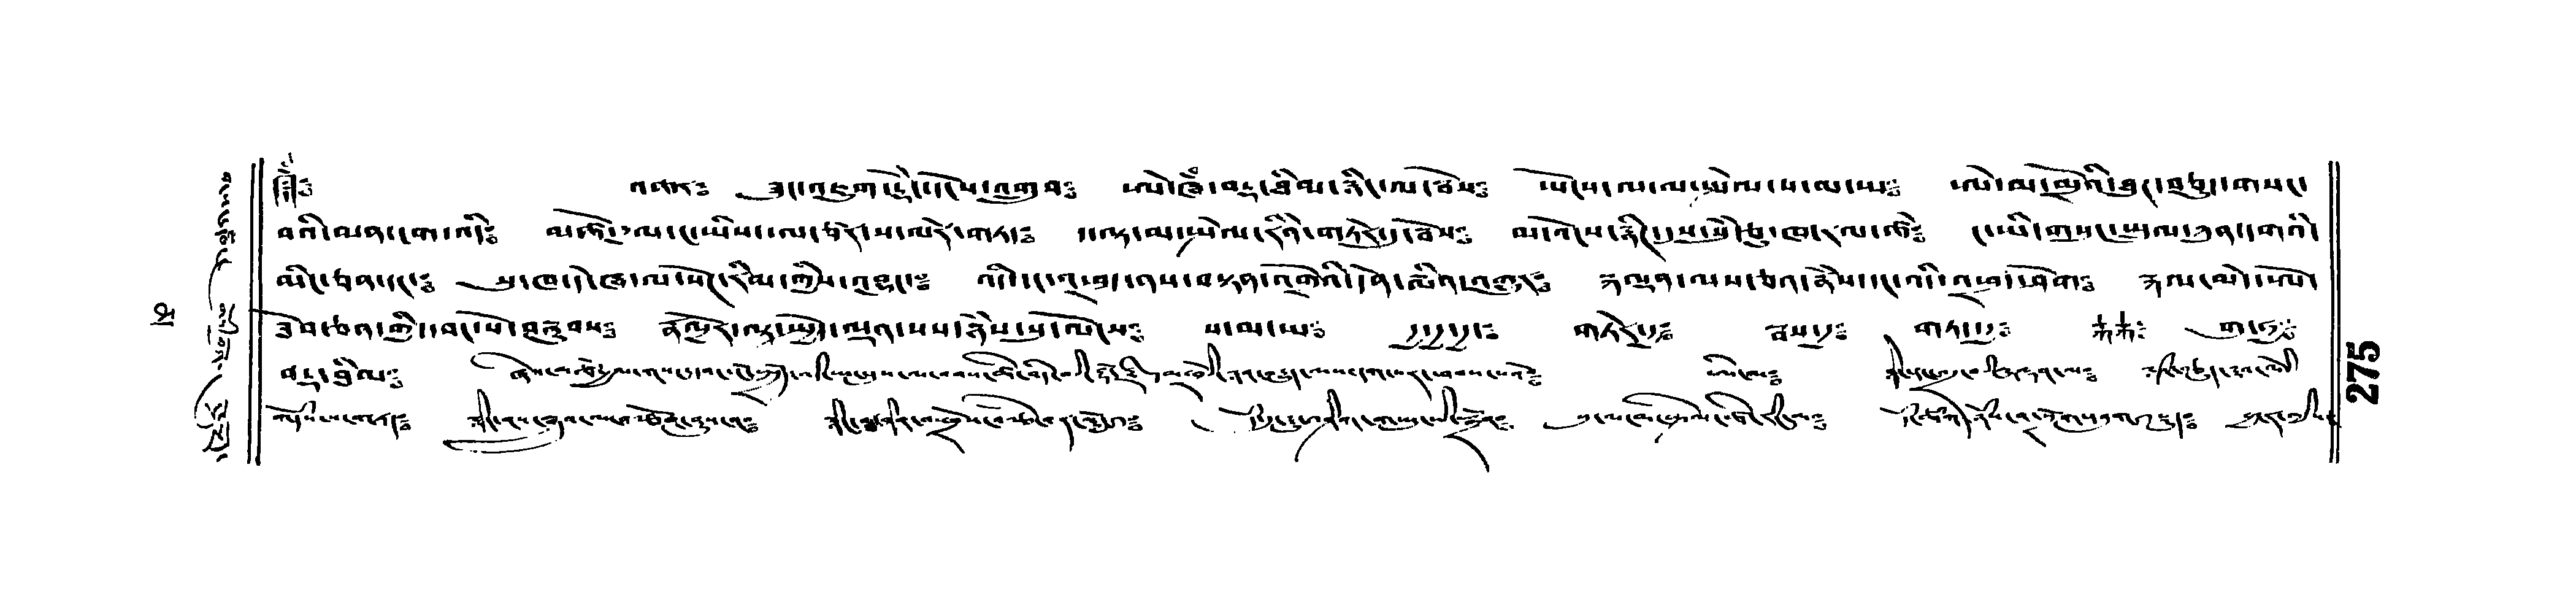འཆར༔ ཟུང་འཇུག་རྡོ་རྗེ་འཆང་དངོས་འགྲུབ༔ ཨེ་ཝྃ་བརྡ་ཐིམ་སྙིང་ལ་སྦོས༔ ཡོངས་ལ་མ་སྤེལ་ས་མ་ཡ༔ ཨེ་མ༔ མཁའ་འགྲོའི་ཐུགས་བཅུད་གསང་
བའི་མན་ངག་འདི༔ མཚོ་རྒྱལ་ང་ཡིས་ཨ་ཙར་ས་ལེར་གཏད༔ ད་ལྟ་མ་སྤེལ་རིན་ཆེན་གཏེར་དུ་སྦོས༔ མ་འོངས་སྙིགས་དུས་སུམ་ཅུ་ཁ་རལ་ཚེ༔ ང་ཡི་གསུང་སྤྲུལ་ཀུན་དགའི་
མིང་ཅན་དང༔ སུ་ཁ་དེ་ཝ་ལ་སོགས་རིམ་གྱིས་འབྱུང༔ འདི་དང་འཕྲད་ནས་བསྟན་འགྲོའི་དོན་སྨིན་འགྱུར༔ སྐལ་ལྡན་ལས་ཅན་རྣམས་དང་འདི་འཕྲད་ཤོག༔ སྐལ་མེད་ཨོ་
ཟོབ་ཅན་གྱི་དབང་པོ་བསྣུབས༔ རྣལ་འབྱོར་ལྟ་སྤྱོད་ལྡན་པས་ཉམས་སུ་ལོངས༔ ས་མ་ཡ༔ རྒྱ་རྒྱ་རྒྱ༔ གཏེར་རྒྱ༔ སྦས་རྒྱ༔ གཏད་རྒྱ༔ གུ་ཧྱ༔ 
བརྡ་ཐིམ༔ ཞེས་མཚོ་རྒྱལ་གསང་དབང་ངོ་སྤྲོད་འདི་ཡང་དུས་ལ་བབས་ཚེ་བདེ་བའི་རྡོ་རྗེས་མཁའ་འགྲོའི་སྙན་བརྒྱུད་ལས་དག་པར་ཕབས་པའོ༔ ཨེ་མ༔ སྙིང་དང་འདྲ་བའི་སྐལ་ལྡན་ལ༔ སྙིང་བཅུད་ཟབ་མོའི་
གདམས་པ་གཏད༔ སྙིང་ནས་སྒྲུབ་ལ་བརྩོན་ནུས་ན༔ སྙིང་བཞིན་མཁའ་འགྲོས་བརྩེ་བར་སྐྱོང༔ དམ་དུ་ཟུངས་ཤིག་གཡུ་ཡི་སྒྲོན༔ སུ་ལ་མ་སྤེལ་ཚེ་རིང་མ༔ དམ་ཚིག་ཉམས་ན་སྲོག་དབུགས་སྡུས༔ བྱ་ར་གྱིས་